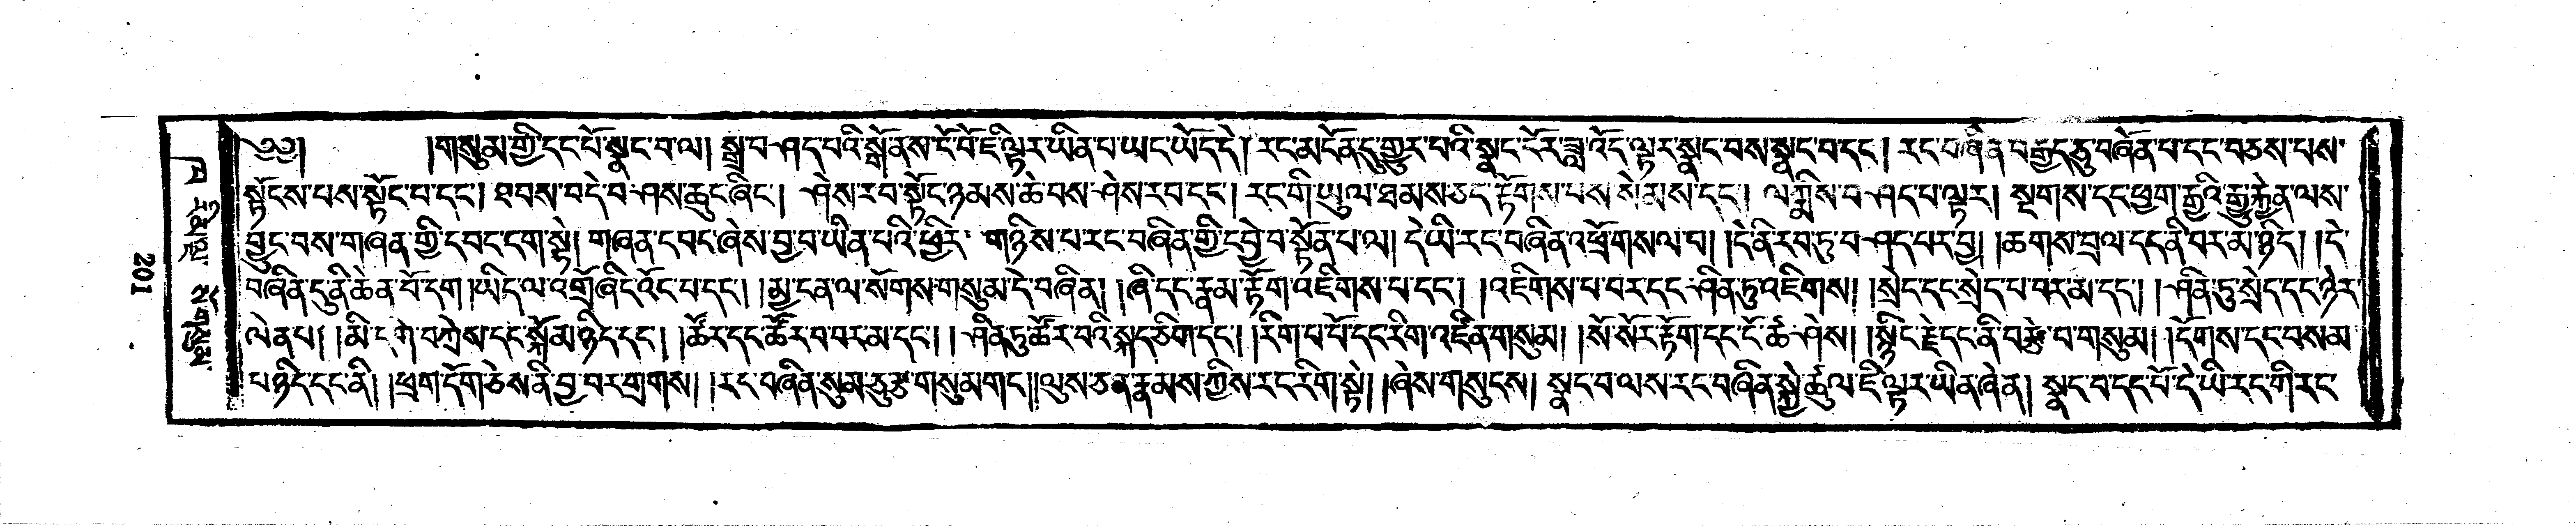༄༅། །གསུམ་གྱི་དང་པོ་སྣང་བ་ལ། སྒྲ་བཤད་པའི་སྒོ་ནས་ངོ་བོ་ཇི་ལྟར་ཡིན་པ་ཡང་ཡོད་དེ། རང་མངོན་དུ་གྱུར་པའི་སྣང་ངོར་ཟླ་འོད་ལྟར་སྣང་བས་སྣང་བ་དང་། རང་བཞིན་བརྒྱད་ཅུ་བཞོན་པ་དང་བཅས་པས་
སྟོངས་པས་སྟོང་པ་དང་། ཐབས་བདེ་བ་ཤེས་ཆུང་ཞིང་། ཤེས་རབ་སྟོང་ཉམས་ཆེ་བས་ཤེས་རབ་དང་། རང་གི་ཡུལ་ཐམས་ཅད་རྟོགས་པས་སེམས་དང་། ལཀྨིས་བཤད་པ་ལྟར། སྔགས་དང་ཕྱག་རྒྱའི་རྒྱུ་རྐྱེན་ལས་
བྱུང་བས་གཞན་གྱི་དབང་དག་སྟེ། གཞན་དབང་ཞེས་བྱ་བ་ཡིན་པའི་ཕྱིར། གཉིས་པ་རང་བཞིན་གྱི་དབྱེ་བ་སྟོན་པ་ལ། དེ་ཡི་རང་བཞིན་འཕྲོ་གསལ་བ། །དེ་ནི་རབ་ཏུ་བཤད་པར་བྱ། །ཆགས་བྲལ་དང་ནི་བར་མ་ཉིད། །དེ་
བཞིན་དུ་ནི་ཆེན་པོ་དག །ཡིད་ལ་འགྲོ་ཞིང་འོང་བ་དང་། །མྱ་ངན་ལ་སོགས་གསུམ་དེ་བཞིན། །ཞི་དང་རྣམ་རྟོག་འཇིགས་པ་དང་། །འཇིགས་པ་བར་དང་ཤིན་ཏུ་འཇིགས། །སྲེད་དང་སྲེད་པ་བར་མ་དང་། །ཤིན་ཏུ་སྲེད་དང་ཉེར་
ལེན་པ། །མི་དགེ་བཀྲས་དང་སྐོམ་ཉིད་དང་། །ཚོར་དང་ཚོར་བ་བར་མ་དང་། །ཤིན་ཏུ་ཚོར་བའི་སྐད་ཅིག་དང་། །རྟོག་པ་པོ་དང་རིག་འཛིན་གསུམ། །སོ་སོར་རྟོག་དང་ངོ་ཚ་ཤེས། །སྙིང་རྗེ་དང་ནི་བརྩེ་བ་གསུམ། །དོགས་དང་བསམ་
པ་ཉིད་དང་ནི། །ཕྲག་དོག་ཅེས་ནི་བྱ་བར་གྲགས། །རང་བཞིན་སུམ་ཅུ་རྩ་གསུམ་གང་། །ལུས་ཅན་རྣམས་ཀྱིས་རང་རིག་སྟེ། །ཞེས་གསུངས། སྣང་བ་ལས་རང་བཞིན་སྐྱེ་ཚུལ་ཇི་ལྟར་ཡིན་ཞེ་ན། སྣང་བ་དང་པོ་དེ་ཡི་རང་གི་རང་